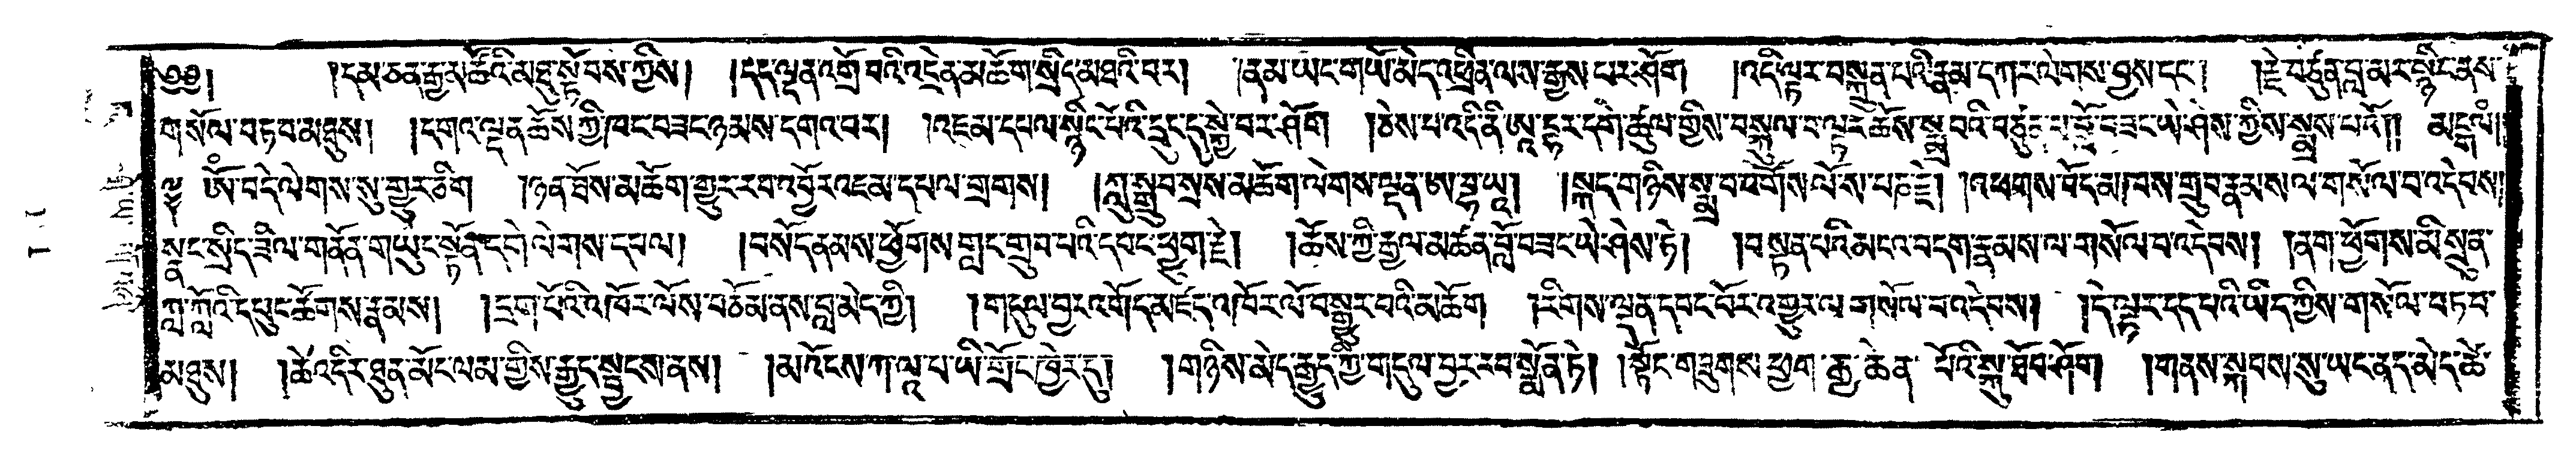༄༅། །དམ་ཅན་རྒྱ་མཚོའི་མཐུ་སྟོབས་ཀྱིས། །དད་ལྡན་འགྲོ་བའི་འདྲེན་མཆོག་སྲིད་མཐའི་བར། །ནམ་ཡང་གཡོ་མེད་འཕྲིན་ལས་རྒྱས་པར་ཤོག །འདི་ལྟར་བསྐྲུན་པའི་རྣམ་དཀར་ལེགས་བྱས་དང་། །རྗེ་བཙུན་བླ་མར་སྙིང་ནས་
གསོལ་བཏབ་མཐུས། །དགའ་ལྡན་ཆོས་ཀྱི་ཁང་བཟང་ཉམས་དགའ་བར། །འཇམ་དཔལ་སྙིང་པོའི་དྲུང་དུ་སྐྱེ་བར་ཤོག །ཅེས་པ་འདི་ནི་ཨཱ་དྷར་དགེ་ཚུལ་གྱིས་བསྐུལ་བ་ལྟར་ཆོས་སྨྲ་བའི་བཙུན་པ་བློ་བཟང་ཡེ་ཤེས་ཀྱིས་སྨྲས་པའོ།། མངྒལཾ།།
༈ ཨོཾ་བདེ་ལེགས་སུ་གྱུར་ཅིག །ཉན་ཐོས་མཆོག་གྱུར་རབ་འབྱོར་འཇམ་དཔལ་གྲགས། །ཀླུ་སྒྲུབ་སྲས་མཆོག་ལེགས་ལྡན་ཨ་བྷ་ཡཱ། །སྐད་གཉིས་སྨྲ་བ་འགོས་ལོ་ས་པཎ་རྗེ། །འཕགས་བོད་མཁས་གྲུབ་རྣམས་ལ་གསོལ་བ་འདེབས།
སྣང་སྲིད་ཟིལ་གནོན་གཡུང་སྟོན་དགེ་ལེགས་དཔལ། །བསོད་ནམས་ཕྱོགས་གླང་གྲུབ་པའི་དབང་ཕྱུག་རྗེ། །ཆོས་ཀྱི་རྒྱལ་མཚན་བློ་བཟང་ཡེ་ཤེས་ཏེ། །བསྟན་པའི་མངའ་བདག་རྣམས་ལ་གསོལ་བ་འདེབས། །ནག་ཕྱོགས་མི་སྲུན་
ཀླ་ཀློའི་དཔུང་ཚོགས་རྣམས། །དྲག་པོའི་འཁོར་ལོས་བཅོམ་ནས་བླ་མེད་ཀྱི། །གདུལ་བྱར་འགོད་མཛད་འཁོར་ལོ་བསྒྱུར་བའི་མཆོག །རིགས་ལྡན་དབང་པོར་འགྱུར་ལ་གསོལ་བ་འདེབས། །དེ་ལྟར་དད་པའི་ཡིད་ཀྱིས་གསོལ་བཏབ་
མཐུས། །ཚེ་འདིར་ཐུན་མོང་ལམ་གྱིས་རྒྱུད་སྦྱངས་ནས། །མ་འོངས་ཀ་ལཱ་པ་ཡི་གྲོང་ཁྱེར་དུ། །གཉིས་མེད་རྒྱུད་ཀྱི་གདུལ་བྱར་རབ་སྨོན་ཏེ། །སྟོང་གཟུགས་ཕྱག་རྒྱ་ཆེན་པོའི་སྐུ་ཐོབ་ཤོག །གནས་སྐབས་སུ་ཡང་ནད་མེད་ཚེ་